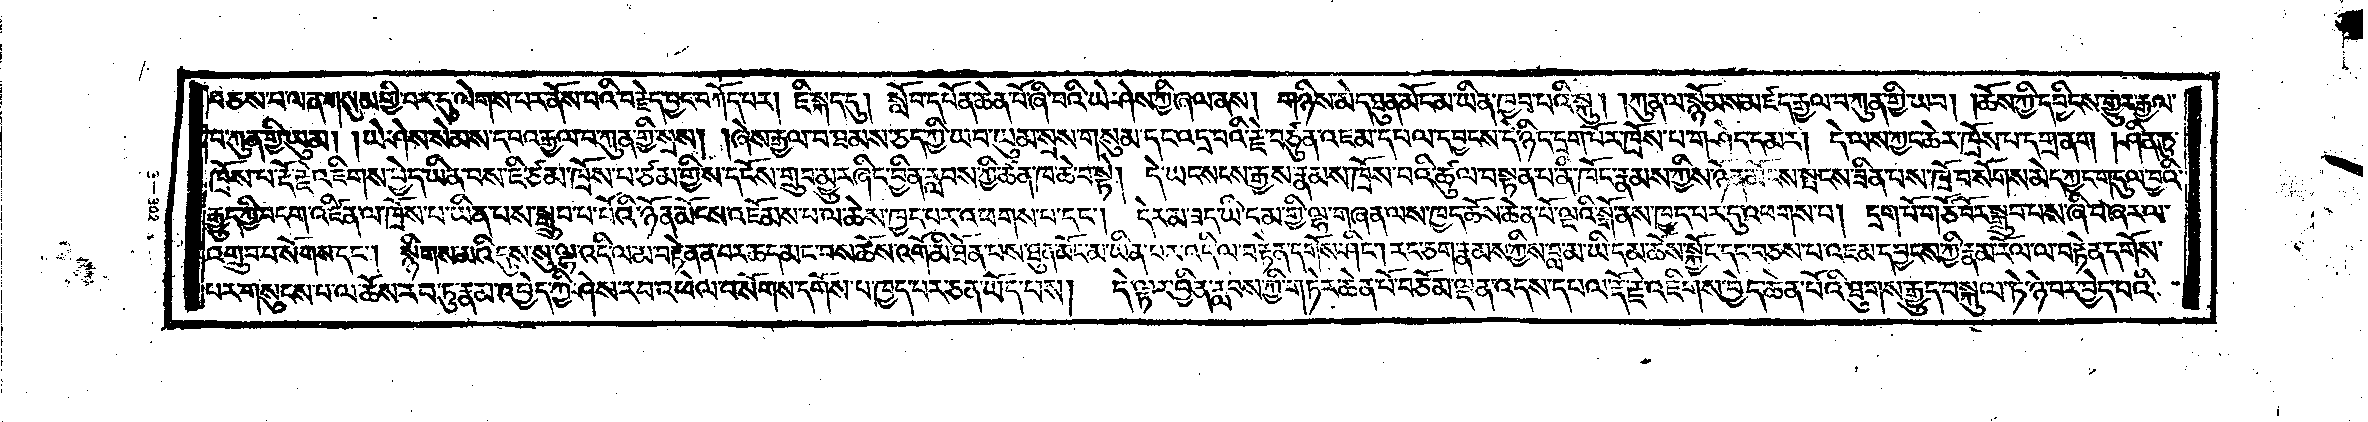བཅས་བ་ལན་གསུམ་གྱི་བར་དུ་ལེགས་པར་ནོས་པའི་བརྗོད་བྱང་བཀོད་པར། ཇི་སྐད་དུ། སློབ་དཔོན་ཆེན་པོ་ཞི་པའི་ཡེ་ཤེས་ཀྱི་ཞལ་ནས། གཉིས་མེད་ཐུན་མོང་མ་ཡིན་འྐྱྷབ་པའི་སྐུ། །ཀུན་ལ་སྙོམས་མཛད་རྒྱལ་བ་ཀུན་གྱི་ཡབ། །ཆོས་ཀྱི་དབྱིངས་གྱུར་རྒྱལ་
བ་ཀུན་གྱི་ཡུམ། །ཡེ་ཤེས་སེམས་དཔའ་རྒྱལ་བ་ཀུན་གྱི་སྲས། །ཞེས་རྒྱལ་བ་ཐམས་ཅད་ཀྱི་ཡབ་ཡུམ་སྲས་གསུམ་དང་འདྲ་བའི་རྗེ་བཙུན་འཇམ་དཔལ་དབྱངས་དེ་ཉིད་དྲག་པོར་ཁྲོས་པ་གཤེད་དམར། དེ་ལས་ཀྱང་ཆེར་ཁྲོས་པ་དགྲ་ནག །ཤིན་ཏུ་
ཁྲོས་པ་རྡོ་རྗེ་འཇིགས་བྱེད་ཡིན་བས་ཇི་ཙམ་ཁྲོས་པ་ཙམ་གྱིས་དངོས་གྲུབ་མྱུར་ཞིང་བྱིན་རླབས་ཀྱི་ཚན་ཁ་ཆེ་བ་སྟེ། དེ་ཡང་སངས་རྒྱས་རྣམས་ཁྲོས་པའི་ཚུལ་བསྟན་པ་ནི་ཁོང་རྣམས་ཀྱིས་ཉོན་མོངས་སྤངས་ཟིན་པས་ཁྲོ་བ་སོགས་མེད་ཀྱང་གདུལ་བྱའི་
རྒྱུད་ཀྱི་བདག་འཛིན་ལ་ཁྲོས་པ་ཡིན་པས་སྒྲུབ་པ་པོའི་ཉོན་མོངས་འཇོམས་པ་ལ་ཆེས་ཁྱད་པར་འཕགས་པ་དང་། དེར་མ་ཟད་ཡི་དམ་གྱི་ལྷ་གཞན་ལས་ཁྱད་ཆོས་ཆེན་པོ་ལྔའི་སྒོ་ནས་ཁྱད་པར་དུ་འཕགས་པ། དྲག་པོ་གཙོ་བོར་སྒྲུབ་པས་ཞི་བ་ཞར་ལ་
འགྲུབ་པ་སོགས་དང་། སྙིགས་མའི་དུས་སུ་ལྷ་འདི་ལ་མ་བརྟེན་ན་བར་ཆད་མང་བས་ཆོས་འགོ་མི་ཐོན་པས་ཐུན་མོང་མ་ཡིན་པར་འདི་ལ་བརྟེན་དགོས་ཤིང་། རང་ཅག་རྣམས་ཀྱིས་བླ་མ་ཡི་དམ་ཆོས་སྐྱོང་དང་བཅས་པ་འཇམ་དབྱངས་ཀྱི་རྣམ་རོལ་ལ་བརྟེན་དགོས་
པར་གསུངས་པ་ལ་ཆོས་རབ་ཏུ་རྣམ་འབྱེད་ཀྱི་ཤེས་རབ་འཕེལ་བ་སོགས་དགོས་པ་ཁྱད་པར་ཅན་ཡོད་པས། དེ་ལྟར་བྱིན་རླབས་ཀྱི་གཏེར་ཆེན་པོ་བཅོམ་ལྡན་འདས་དཔལ་རྡོ་རྗེ་འཇིགས་བྱེད་ཆེན་པོའི་ཐུགས་རྒྱུད་བསྐུལ་ཏེ་ཉེ་བར་བྱེད་པའི་